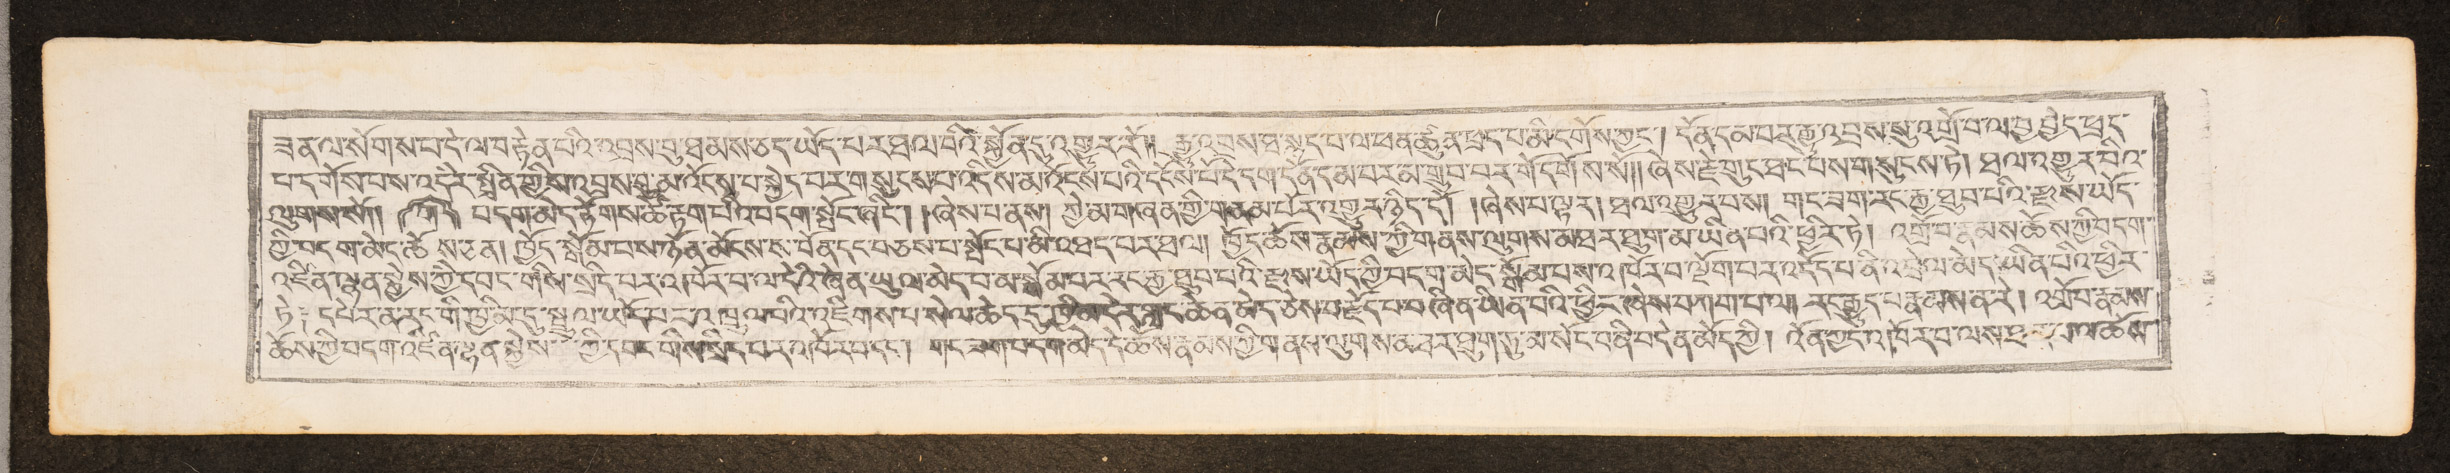ཟན་ལ་སོགས་པ་དེ་ལ་བརྟེན་པའི་འབྲས་བུ་ཐམས་ཅད་ཡོད་པར་ཐལ་བའི་སྐྱོན་དུ་འགྱུར་རོ།། རྒྱ་འབྲས་ཐ་སྙད་པ་ལ་ཕན་ཚུན་ཕྲད་པ་མི་དགོས་ཀྱང་། དོན་དམ་པར་རྒྱུ་འབྲས་སུ་འགྲོ་བ་ལ་བྱ་བྱེད་ཕྲད་
པ་དགོས་པས་འདིར་སྤྲིན་གྱིས་འབྲས་བུ་མ་འོངས་པ་སྐྱེད་པར་གསུངས་པ་འདིས་མ་འོངས་པའི་དངོས་པོ་དེ་དག་དོན་དམ་པར་གྲུབ་པར་གོ་དགོས་སོ།། ཞེས་རྗེ་གུང་ཐང་པས་གསུངས་ཏེ། ཐལ་འགྱུར་བའི་
ལུགས་སོ།། ༼༽ག༼༽ བདག་མེད་རྟོགས་ཚེ་རྟག་པའི་བདག་སྤོང་ཞིང་། །ཞེས་པ་ནས། ཀྱེ་མ་གཞན་གྱི་གནམ་པོར་འགྱུར་ཉིད་དོ། །ཞེས་པ་ལྟར། ཐལ་འགྱུར་བས། གང་ཟག་རང་རྐྱ་ཐུབ་པའི་རྫས་ཡོད་
ཀྱི་བདག་མེད་ཆོས་ཅན། ཁྱོད་སྒོམ་པས་ཉོན་མོངས་ས་བོན་དང་བཅས་པ་སྤོང་པ་མི་འཐད་པར་ཐལ། ཁྱོད་ཆོས་རྣམས་ཀྱི་གནས་ལུགས་མཐར་ཐུག་མ་ཡིན་པའི་ཕྱིར་ཏེ། འགྲོ་བ་རྣམས་ཆོས་ཀྱི་བདག་
འཛིན་ལྷན་སྐྱེས་ཀྱི་དབང་གིས་སྲིད་པར་འཁོར་བ་ལ་དེའི་ཞེན་ཡུལ་མེད་པ་མ་སྒོམ་པར་རང་རྐྱ་ཐུབ་པའི་རྫས་ཡོད་ཀྱི་བདག་མེད་སྒོམ་པས་འཁོར་བ་ལྡོག་པར་འདོད་པ་ནི་འབྲེལ་མེད་ཡིན་པའི་ཕྱིར་
ཏེ༑ དཔེར་ན་རང་གི་ཁྱི་མ་དུ་སྦྲུལ་ཡོད་པར་འཁྲུལ་བའི་འཇིགས་པ་སེལ་ཆེད་དུ་ཁྱིམ་དེར་གླང་ཆེན་མེད་ཅེས་བརྗོད་པ་བཞིན་ཡིན་པའི་ཕྱིར་ཞེས་བཀག་པ་ལ། རང་རྒྱུད་པ་རྣམས་ན་རེ། འགྲོ་བ་རྣམས་
ཆོས་ཀྱི་བདག་འཛིན་ལྷན་སྐྱེས་ཀྱི་དབང་གིས་སྲིད་པར་འཁོར་བ་དང་། གང་ཟག་བདག་མེད་དེ་ཆོས་རྣམས་ཀྱི་གནས་ལུགས་མཐར་ཐུག་ཏུ་མ་སོང་བ་ནི་བདེན་མོད་ཀྱི། འོན་ཀྱང་འཁོར་བ་ལས་ཐར་བ་ལ་ཆོས་